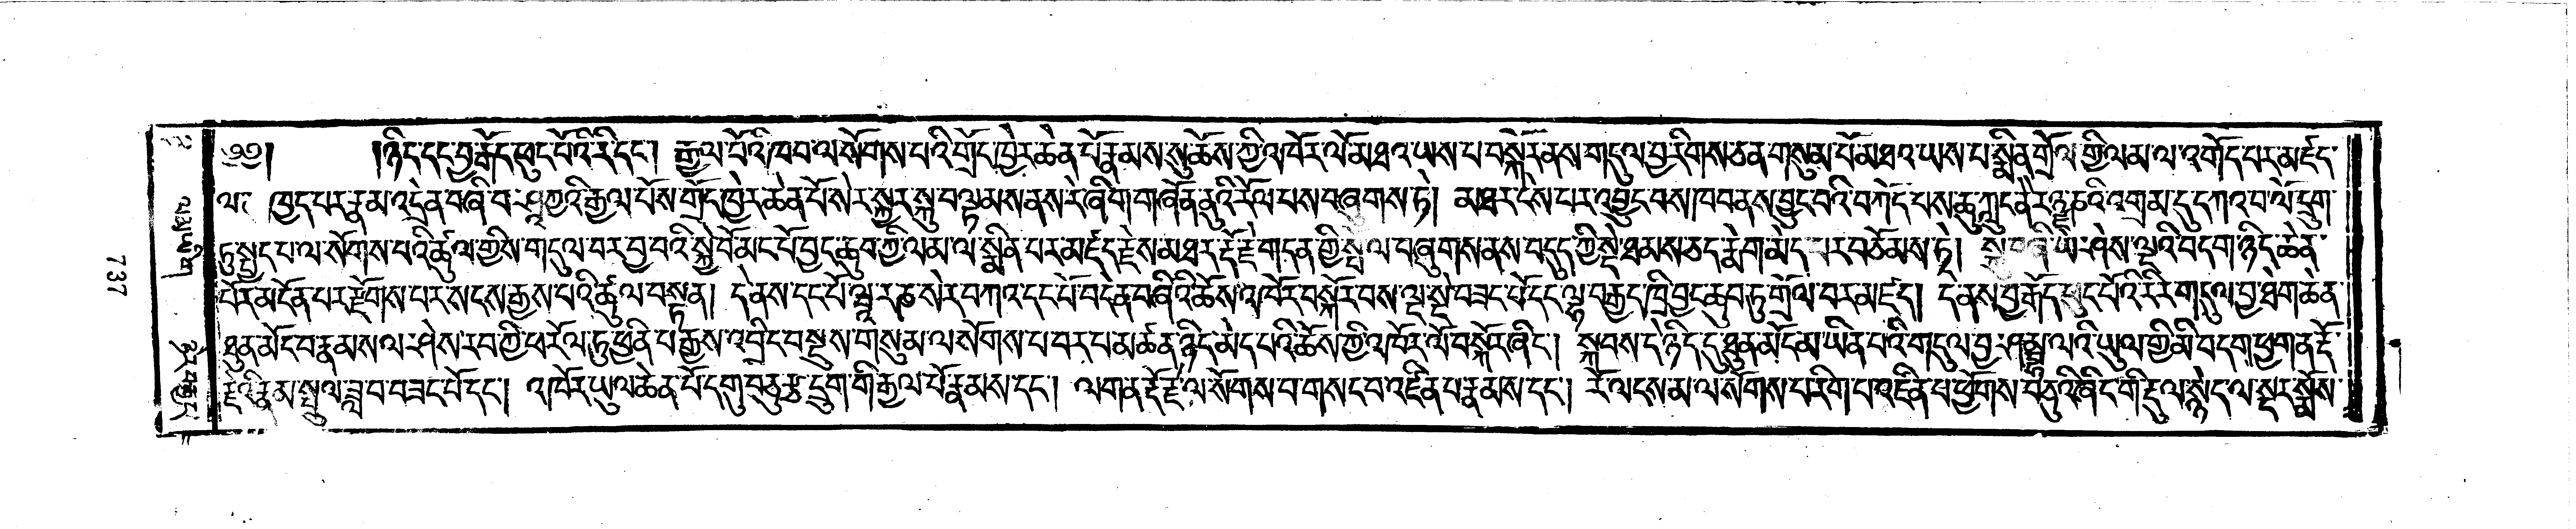༄༅། །ཉིད་དང་བྱ་རྒོད་ཕུང་པོའི་རི་དང་། རྒྱལ་པོའི་ཁབ་ལ་སོགས་པའི་གྲོང་ཁྱེར་ཆེན་པོ་རྣམས་སུ་ཆོས་ཀྱི་འཁོར་ལོ་མཐའ་ཡས་པ་བསྐོར་ནས་གདུལ་བྱ་རིགས་ཅན་གསུམ་པོ་མཐའ་ཡས་པ་སྨིན་གྲོལ་གྱི་ལམ་ལ་འགོད་པར་མཛད་
ལ༑ ཁྱད་པར་རྣམ་འདྲེན་བཞི་བ་ཤཱཀྱའི་རྒྱལ་པོས་གྲོང་ཁྱེར་ཆེན་པོ་སེར་སྐྱར་སྐུ་བལྟམས་ནས་རེ་ཞིག་གཞོན་ནུའི་རོལ་པས་བཞུགས་ཏེ། མཐར་ངེས་པར་འབྱུང་བས་ཁབ་ནས་བྱུང་བའི་བཀོད་པས་ཆུ་ཀླུང་ནཻ་རཉྫ་ཎའི་འགྲམ་དུ་དཀའ་བ་ལོ་དྲུག་
ཏུ་སྤྱད་པ་ལ་སོགས་པའི་ཚུལ་གྱིས་གདུལ་བར་བྱ་བའི་སྐྱེ་བོ་མང་པོ་བྱང་ཆུབ་ཀྱི་ལམ་ལ་སྨིན་པར་མཛད་རྗེས་མཐར་རྡོ་རྗེ་གདན་གྱི་སྤོ་ལ་བཞུགས་ནས་བདུད་ཀྱི་སྡེ་ཐམས་ཅད་རྨེག་མེད་པར་བཅོམས་ཏེ། སྐུ་བཞི་ཡེ་ཤེས་ལྔའི་བདག་ཉིད་ཆེན་
པོར་མངོན་པར་རྫོགས་པར་སངས་རྒྱས་པའི་ཚུལ་བསྟན། དེ་ནས་དང་པོ་ཝཱ་ར་ཎ་སེར་བཀའ་དང་པོ་བདེན་བཞིའི་ཆོས་འཁོར་བསྐོར་བས་ལྔ་སྡེ་བཟང་པོ་དང་ལྷ་བརྒྱད་ཁྲི་བྱང་ཆུབ་ཏུ་གྲོལ་བར་མཛད། དེ་ནས་བྱ་རྒོད་ཕུང་པོའི་རིར་གདུལ་བྱ་ཐེག་ཆེན་
ཐུན་མོང་བ་རྣམས་ལ་ཤེས་རབ་ཀྱི་ཕ་རོལ་ཏུ་ཕྱིན་པ་རྒྱས་འབྲིང་བསྡུས་གསུམ་ལ་སོགས་པ་བར་པ་མཚན་ཉིད་མེད་པའི་ཆོས་ཀྱི་འཁོར་ལོ་བསྐོར་ཞིང་། སྐབས་དེ་ཉིད་དུ་ཐུན་མོང་མ་ཡིན་པའི་གདུལ་བྱ་ཤམྦྷ་ལའི་ཡུལ་གྱི་མི་བདག་ཕྱག་ན་རྡོ་
རྗེའི་རྣམ་སྤྲུལ་ཟླ་བ་བཟང་པོ་དང་། འཁོར་ཡུལ་ཆེན་པོ་དགུ་བཅུ་རྩ་དྲུག་གི་རྒྱལ་པོ་རྣམས་དང་། ལག་ན་རྡོ་རྗེ་ལ་སོགས་པ་གསང་བ་འཛིན་པ་རྣམས་དང་། རོ་ལངས་མ་ལ་སོགས་པ་རིག་པ་འཛིན་པ་ཕྱོགས་བཅུའི་ཞིང་གི་རྡུལ་སྙེད་ལ་སྔར་སྨོས་